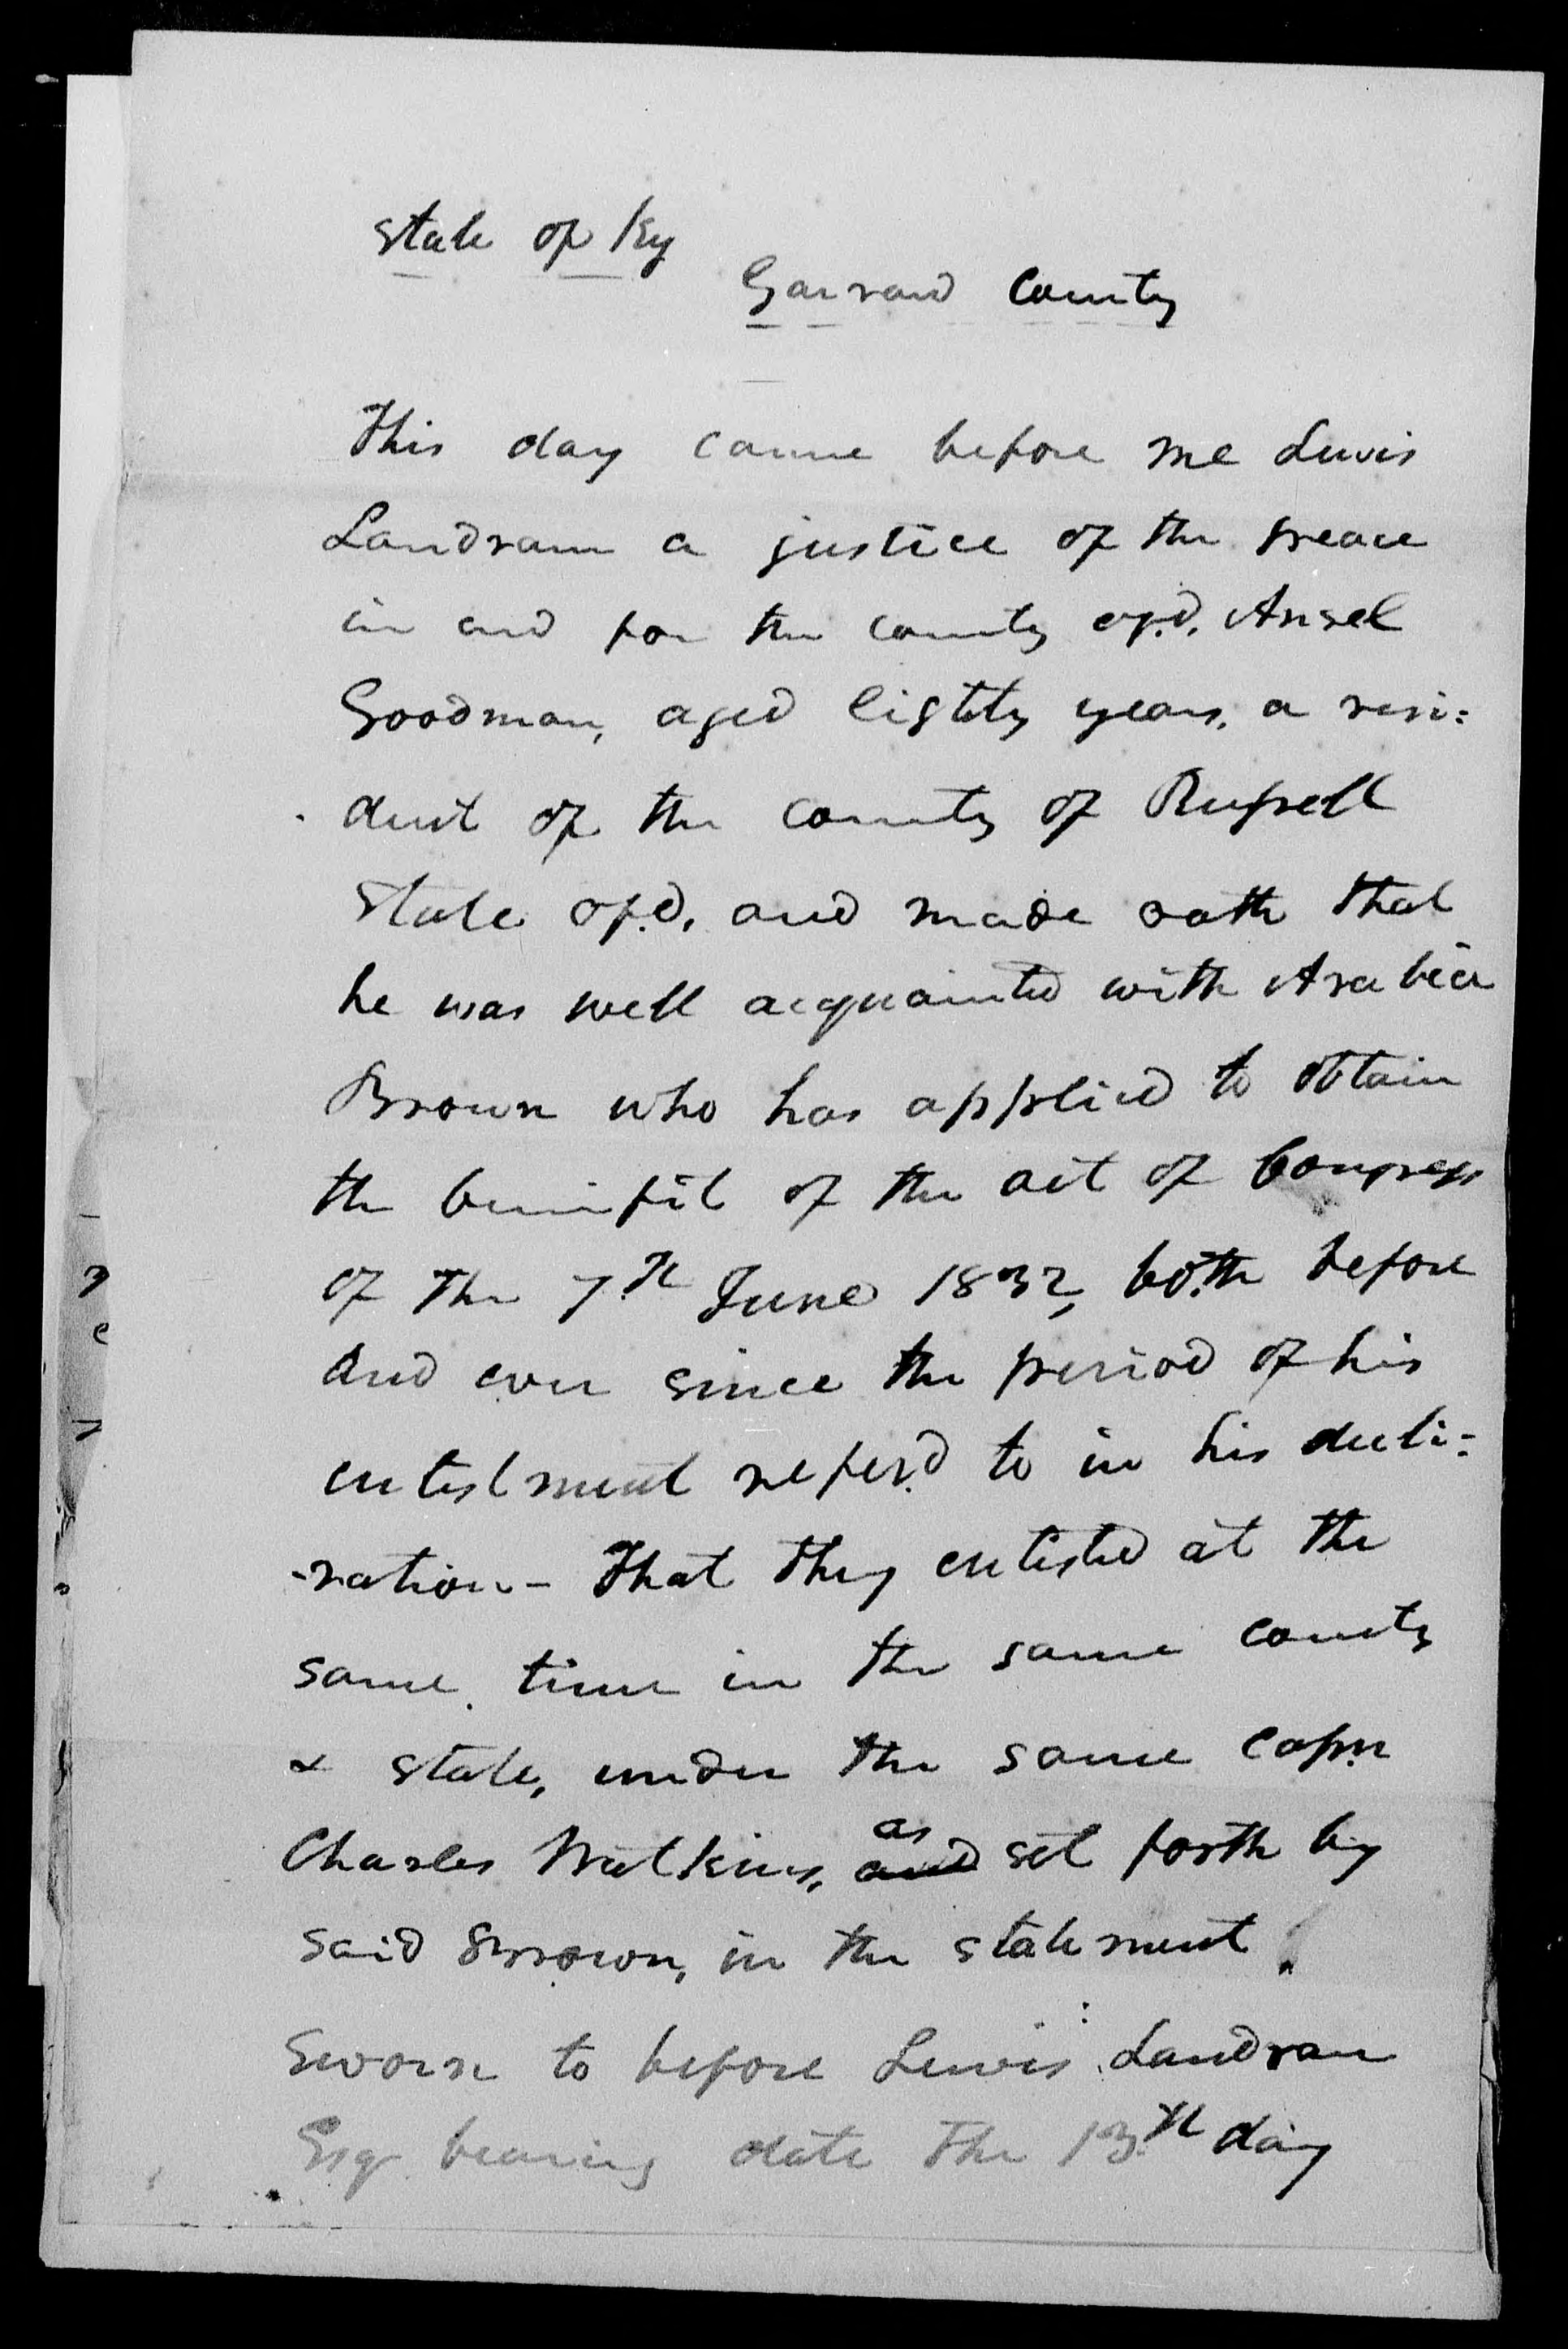State of Ky Garrard County

This day came before me Lewis Landram a justice of the peace in and for the county afd [aforesaid] Ansel Goodman, aged eight years, a resident of the County of Rupell State of afd [aforesaid] and made oath that he was well acquainted with Arabia Brown who has applied to obtain the benefit of the act of Congress of the 7th June 1832, both before and ever since the period of his enlistment referd [sic] to in his  decliration [sic] that they enlisted at the same time in the same county & state, under the same Com. Charles Watkins, as set forth by said Brown in the statement sworn to before Lewis Landram Sig[sic] bearing date the 13th day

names: Lewis Landram, Brown, Lewis Landram, Ansel Goodman, Arabia Brown, Charles Watkins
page: 53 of 65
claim: widow's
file: W. 8384, Arabia Brown, Va.